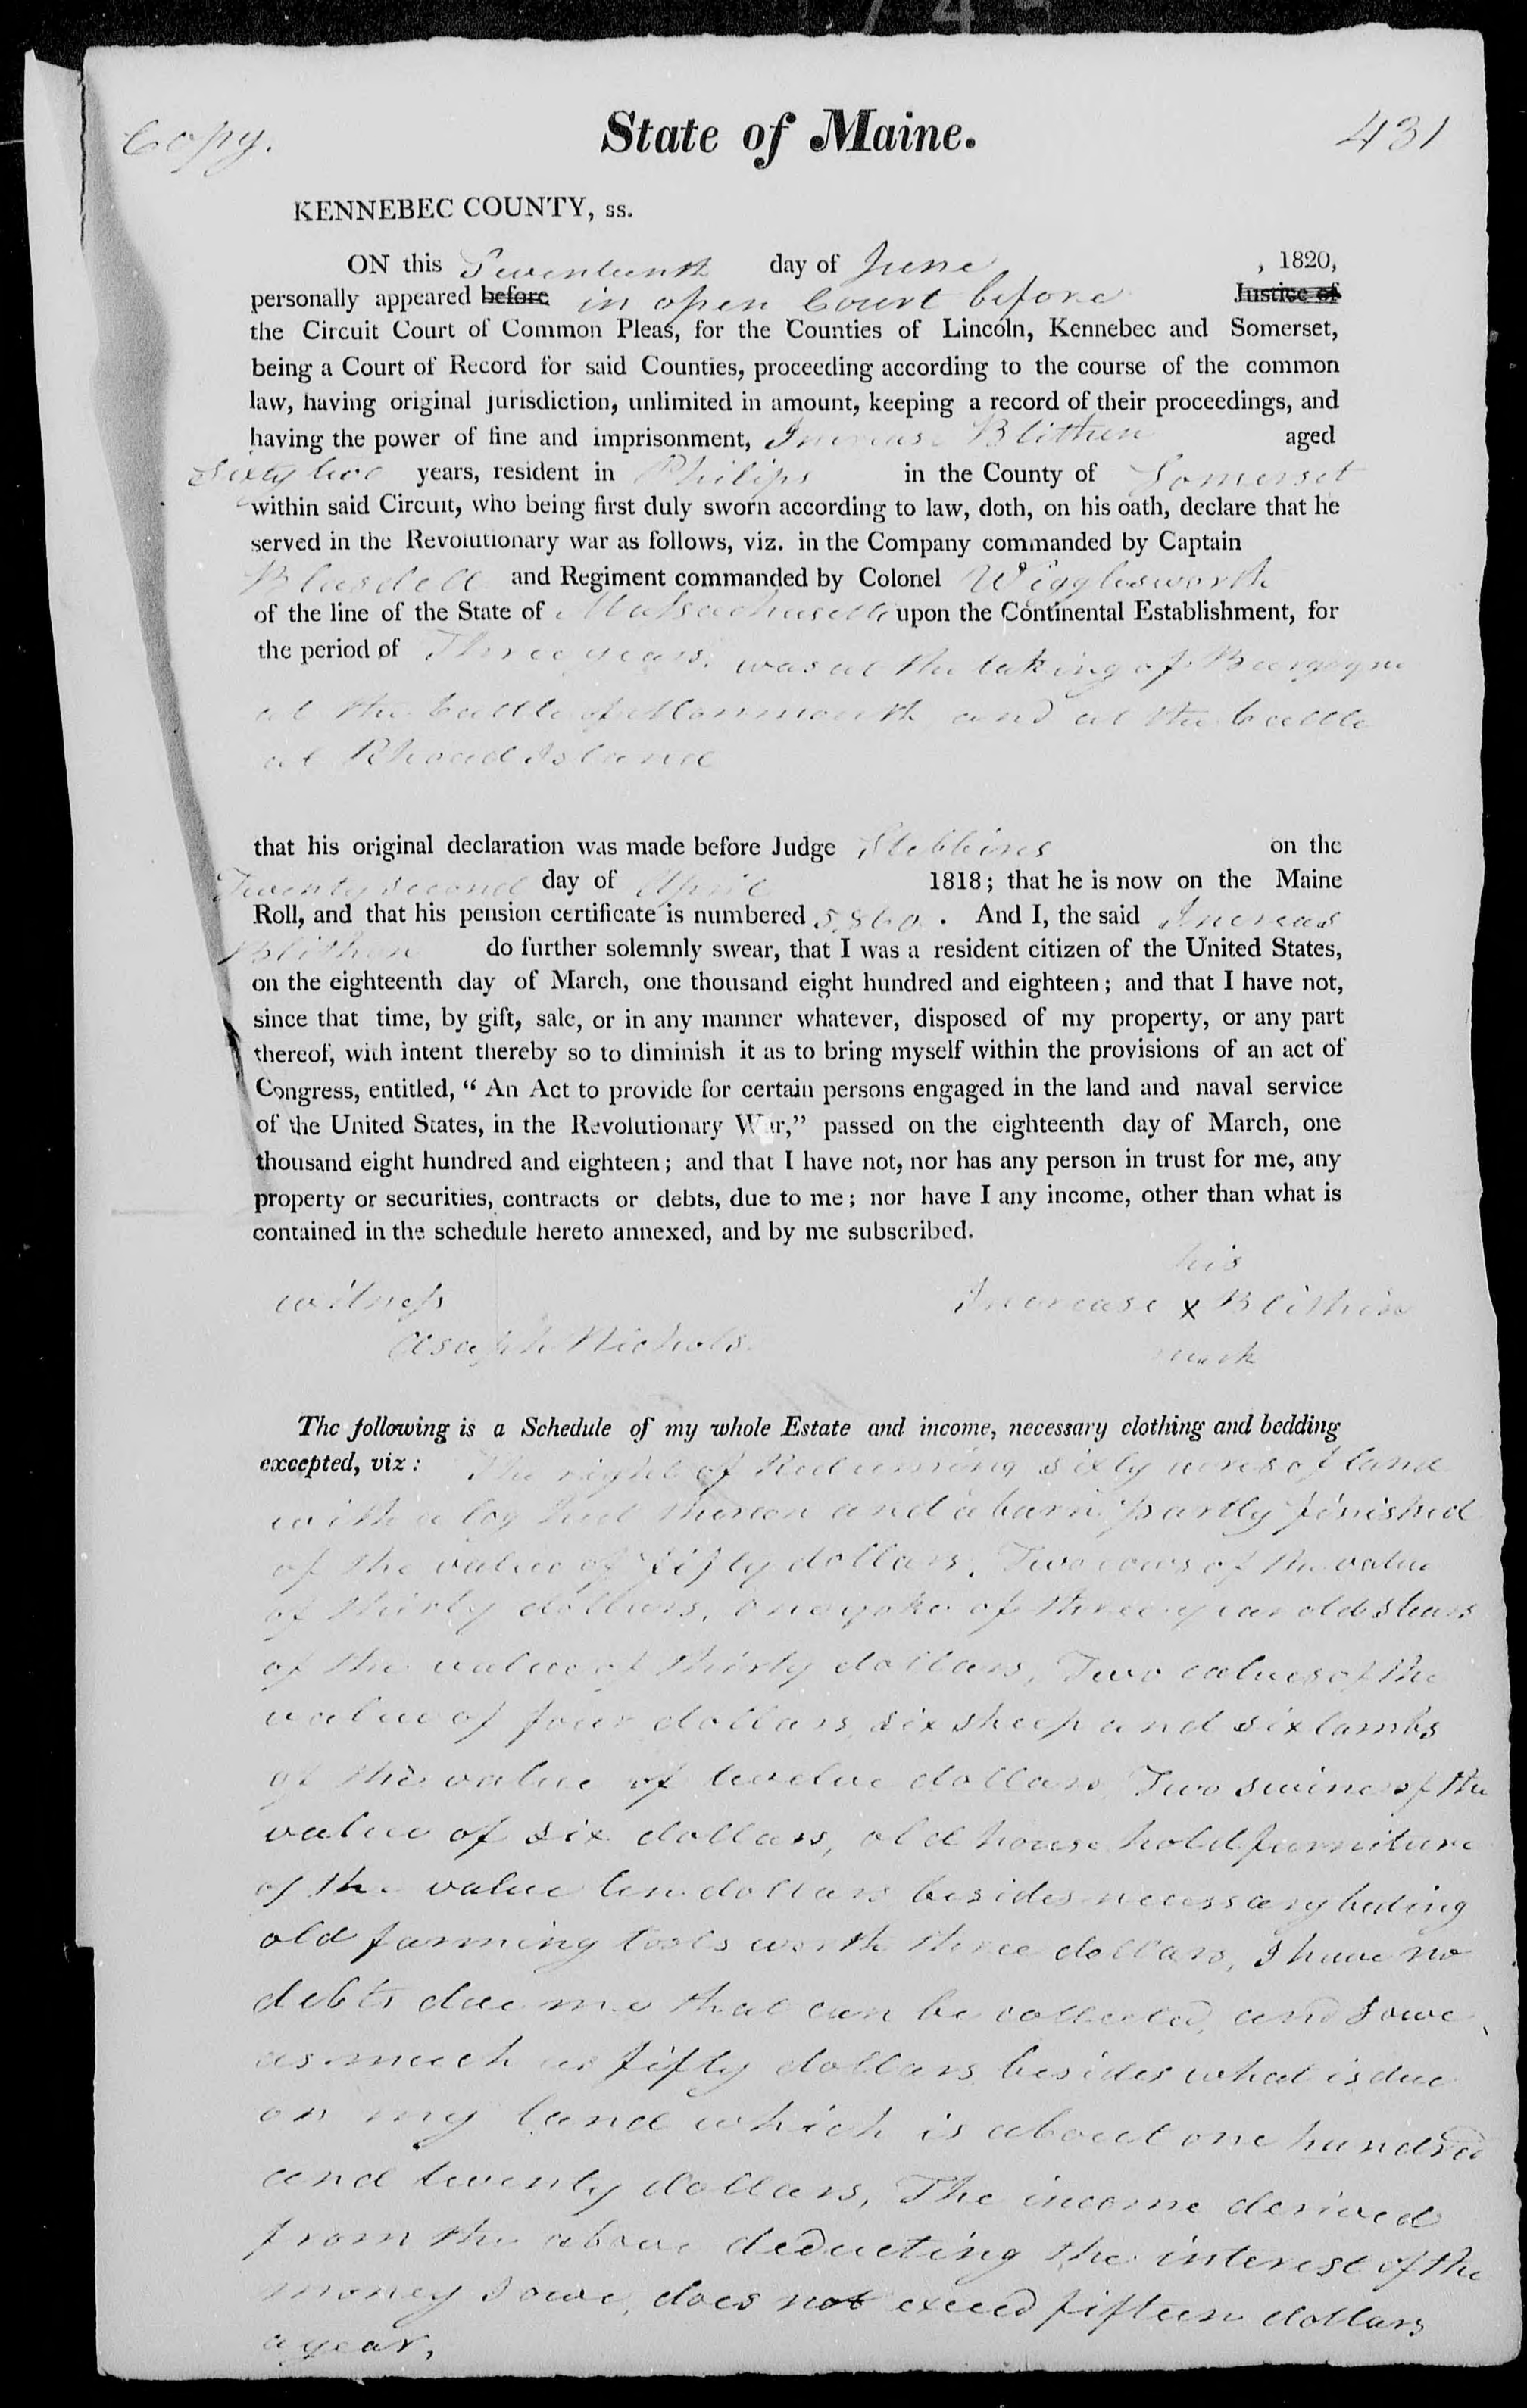Copy  State of Maine.  431
KENNEBEC COUNTY, ss.
ON this Seventeenth day of June , 1820
personally appeared [scratched out: before] in open Court before [scratched out Justice of]
the Circuit Court of Common Pleas, for the Counties of Lincoln, Kennebec and Somerset
being a Court of Record for said Counties, proceeding according to the course of the common
law, having original jurisdiction, unlimited in amount, keeping a record of their proceedings, and
having the power of fine and imprisonment Increase Blithen aged
Sixty two years, resident in Philips in the County of Somerset
within said Circuit, who being first duly sworn according to law, doth, on his oath, declare that he
served in the Revolutionary war as follows, viz. in the Company commanded by Captain
Blasdell and Regiment commanded by Colonel Wigglesworth
of the line of the State of Massachusetts upon the Continental Establishment, for
the period of three years was at the taking of Burgoyne
at the battle of Monmouth and at the battle
at Rhode Island
that his original declaration was made before Judge Stebbins on the
Twenty second day of April 1818; that he is now on the Maine
Roll, and that his pension certificate is numbered 5860. And I, the said Increas
Blithen do further solemnly swear, that I was a resident citizen of the United States
on the eighteenth day of March, one thousand eight hundred and eighteen; and that I have not
since that time, by gift, sale, or in any manner whatever, disposed of my property, or any part
thereof, with intent thereby so to diminish it as to bring myself within the provisions of an act of
Congress, entitled, "An Act to provide for certain persons engaged in the land and naval service
of the United States, in the Revolutionary War," passed on the eighteenth day of March, one
thousand eight hundred and eighteen; and that I have not, nor has any person in trust for me, any
property or securities, contracts or debts, due to me; nor have I any income, other than what is
contained in the schedule hereto annexed, and by me subscribed.
witness Asaph Nichols    Increase  his X mark   Blithen

The following is a Schedule of my whole estate and income, necessary clothing and bedding
excepted, viz: The right of Redressing sixty acres of land
with a log tree manor and a bar partly finished
of the value of fifty dollars. Two acres of the value
of thirty dollars, one yoke of three year old steers
of the value of thirty dollars, Two [illegible] the
value of five dollars, six sheep and six lambs
of the value of twelve dollars, Two swine of the
value of six dollars, old household furniture
of the value ten dollars besides necessary [illegible]
old farming tools worth three dollars, I have no
debts due me that can be collected and I owe
as much as fifty dollars besides what is due
on my land which is about one hundred
and twenty dollars. The income derived
from the above deducting the interest of the
money I owe does not exceed fifteen dollars
a year,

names: Blasdell, Increas Blithen, Increase Blithin, Increas Blithen, Wigglesworth, Asaph Nichols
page: 8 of 39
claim: widow's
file: W. 23,621, Increase Blethen, Mass.